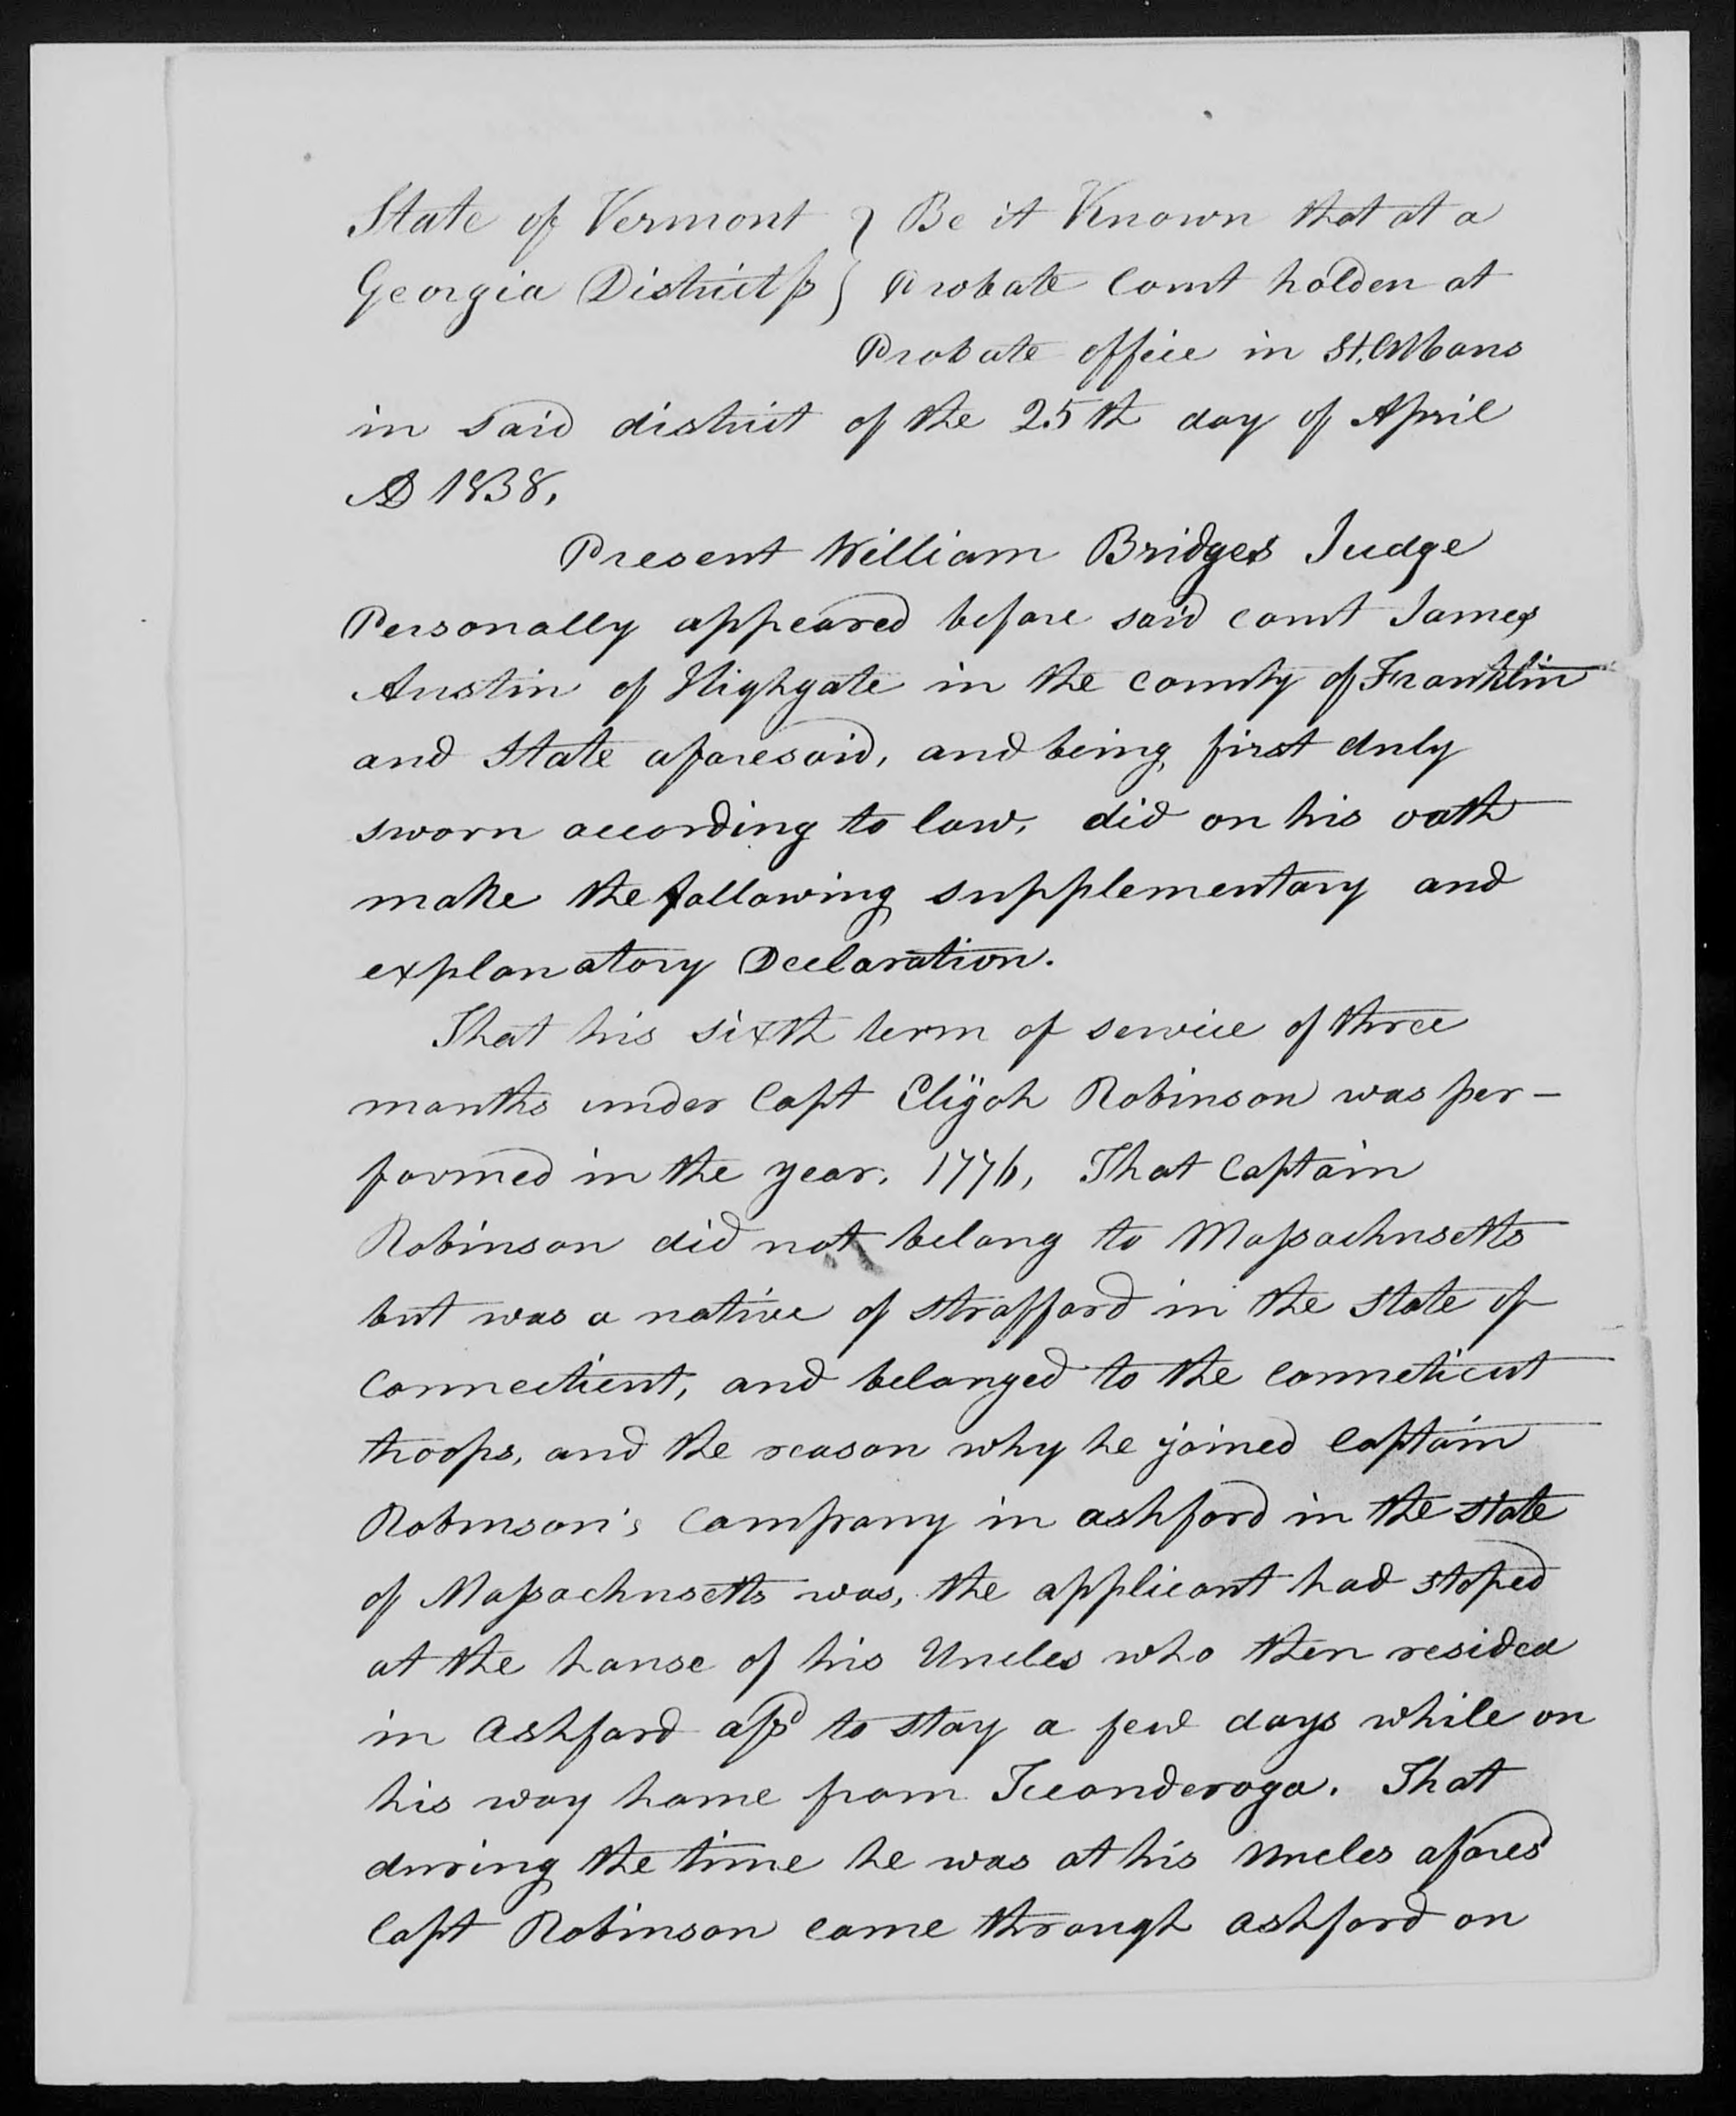State of Vermont
Georgia District
Be it Known that at a probate court holden at probate office in St. Albans in said district of the 25th day of April 1838,
Present William Bridges Judge Personally appeared before said court James Austin of Highgate in the county of Franklin and state aforesaid, and being first only sworn according to law, did on his oath make the following supplementary and explanatory declaration,
That his sixth turn of service of three months under Capt. Elijah Robinson was performed in the year 1776, that Captain Robinson did not belong to Massachusetts but was a native of Strafford in the state of Connecticut, and belonged to the Connecticut troops, and the reason why he joined Captain Robinson's company in Ashford in the state of Massachusetts was, the applicant had stoped at the house of his uncles who then resided in Ashford & to stay a few days while on his way home from Ticonderoga, that during the time he was at his uncles afores' Capt. Robinson came through Ashford on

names: Elijah Robinson, Robinson, William Bridges, Robinson, James Austin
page: 28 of 100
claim: survivor's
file: S 19186, James Austin, Conn. New York R.I.